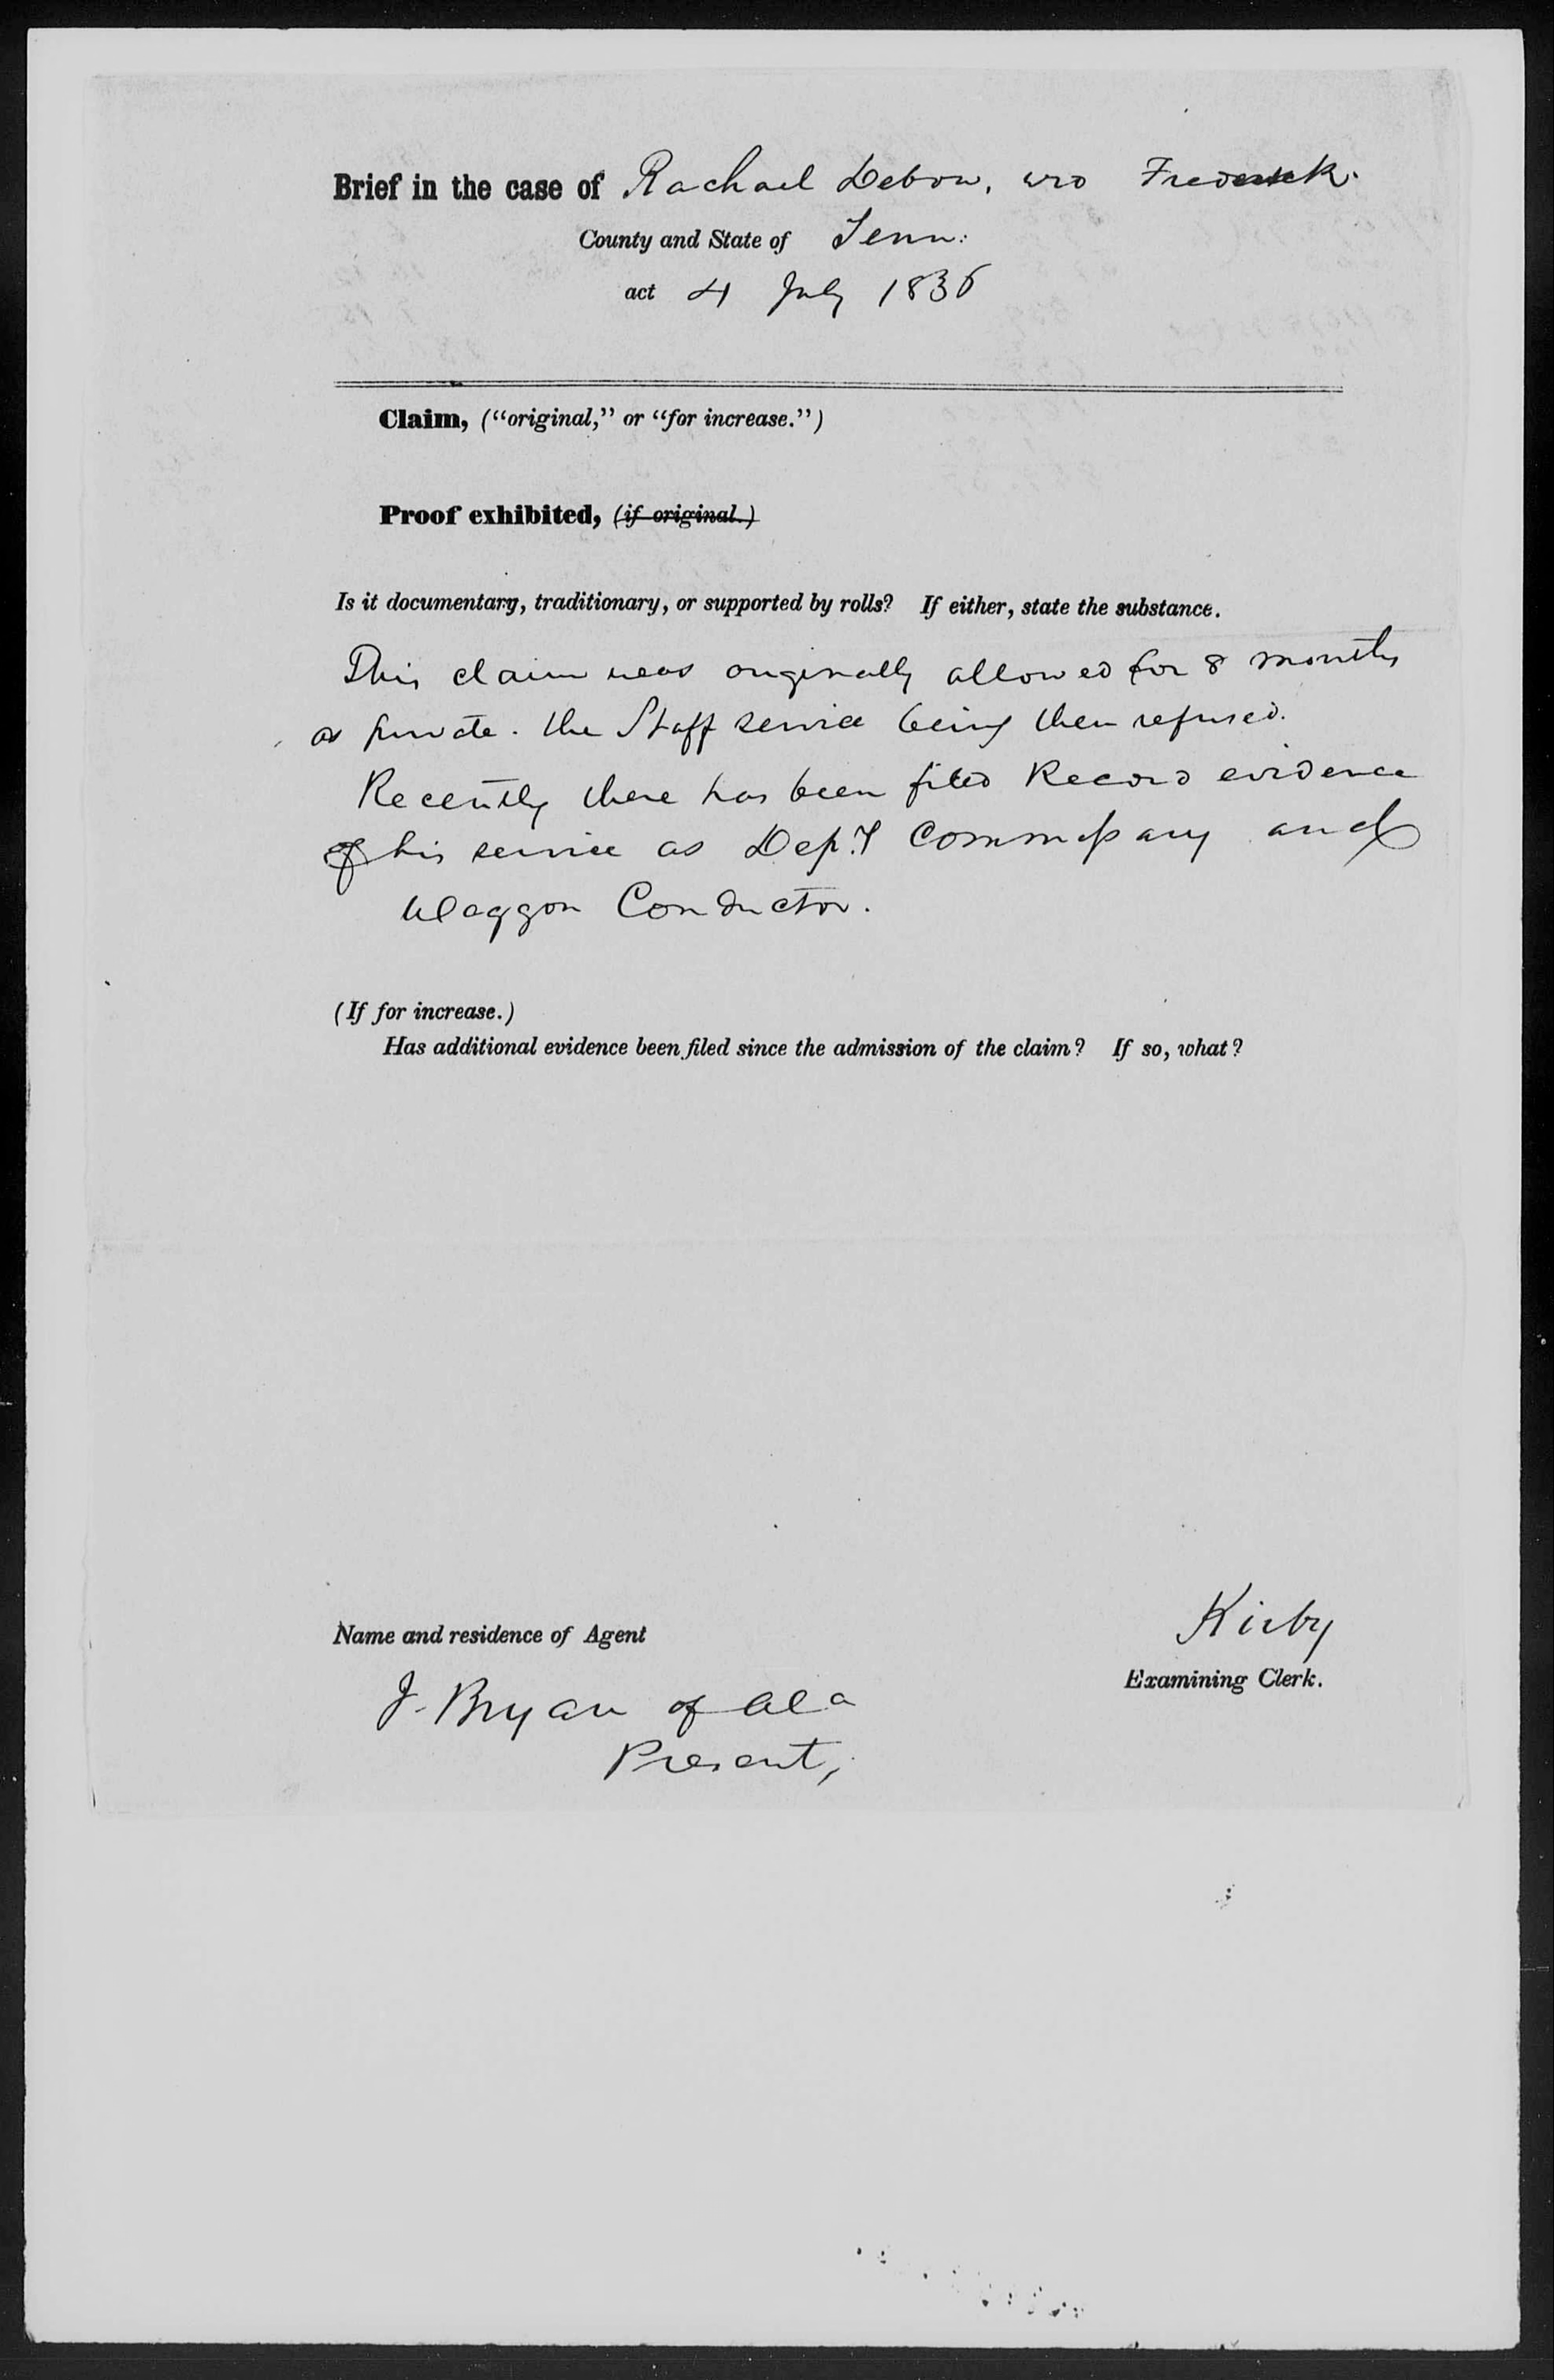[FORM]
[typed] Brief in the case of [handwritten] Rachel Debow, widow Frederick
[typed] County and State of [handwritten] Tenn.
[typed] Act [handwritten] 4 July 1836

[typed] Claim, (‘original,’ or ‘for increase,’)
[typed] Proof exhibited, [struck through the following] (if original)
[typed] Is it documentary, traditionary, or supported by rolls? If either, state the substance.
[handwritten]
This claim was originally allowed for 8 months as [illegible]. The staff services being then refused.
Recently there has been files record evidence of his service as Deputy Commissary and Waggon Conductor.
[typed] (If for increase.)
[typed] Has additional evidence been filed since the admission of the claim? If so, what?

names: J Bryan, Rachael Debow, Frederick Debow, Kirby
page: 46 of 62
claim: widow's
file: W 7005, Frederick Debow, N.C.